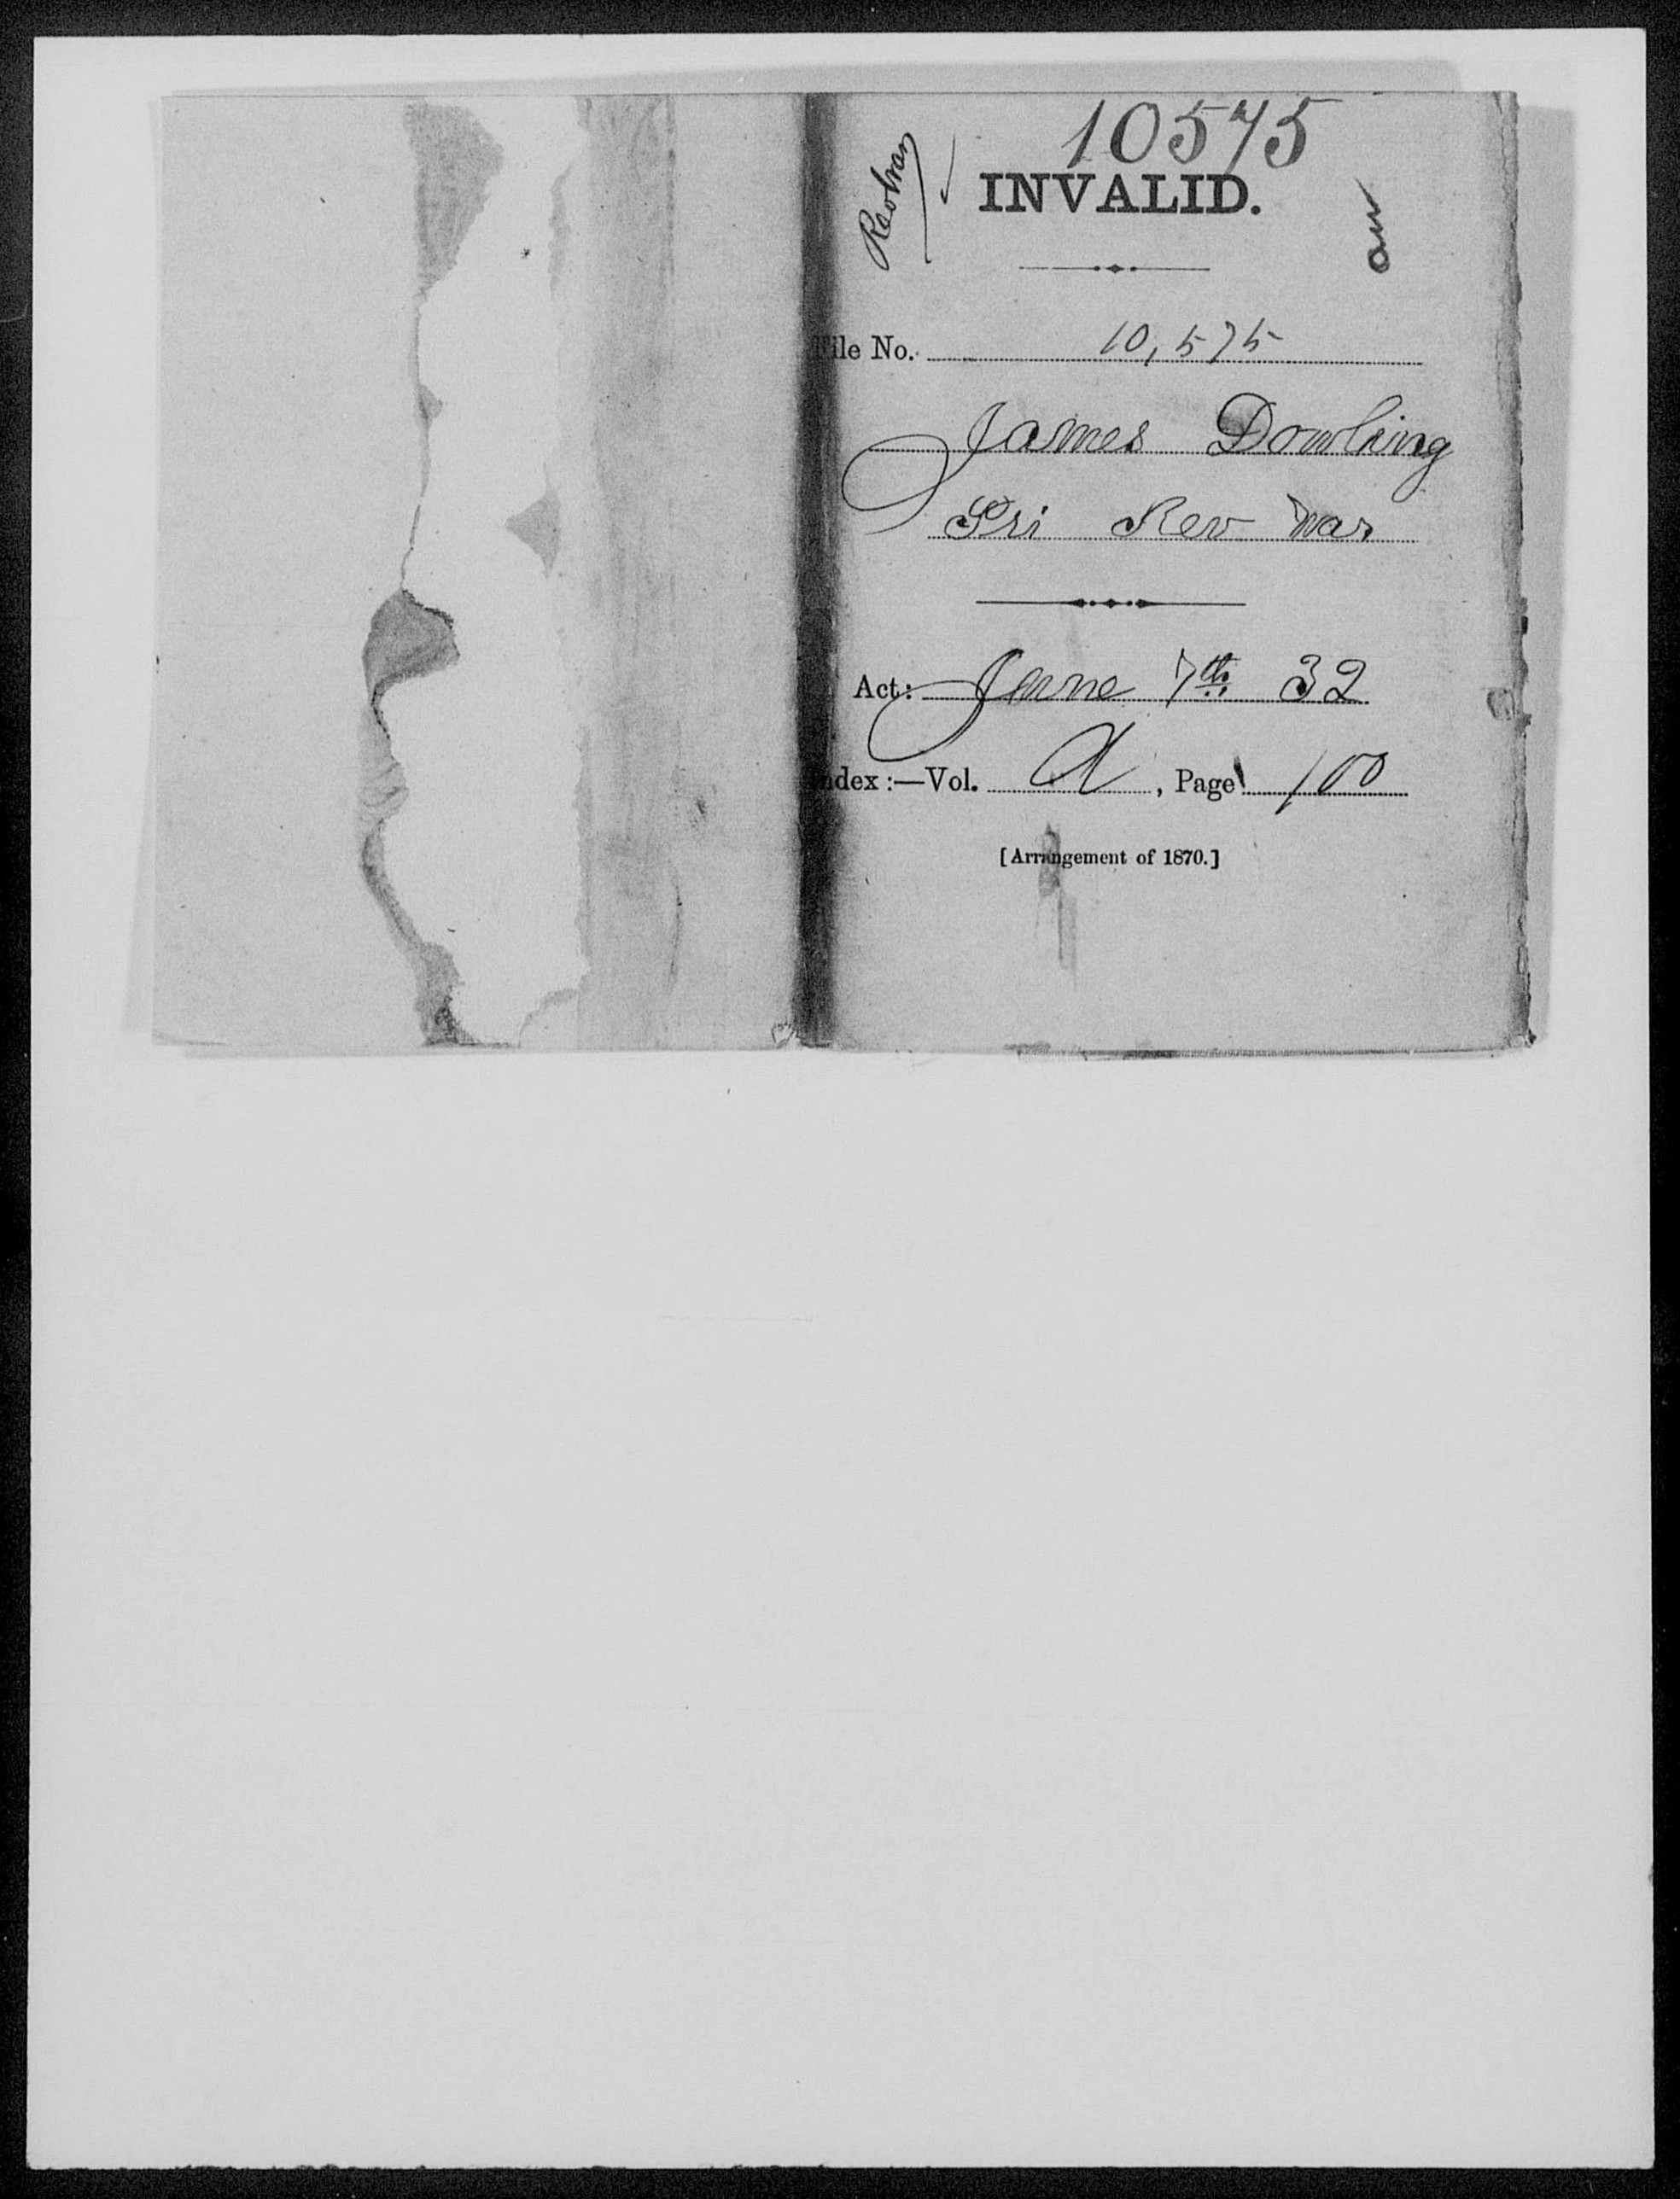10575
INVALID
Rev War [written in left-hand margin]
[initialed in right-hand margin]
-------------------------
File No. 10,575
James Dowling
Pri Rev War
-------------------------
Act: June 7th 32
Index:-- Vol. A, Page 100

[Arrangement of 1870.]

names: James Dowling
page: 17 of 17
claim: survivor's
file: S. 10575, James Dowling, Penn.